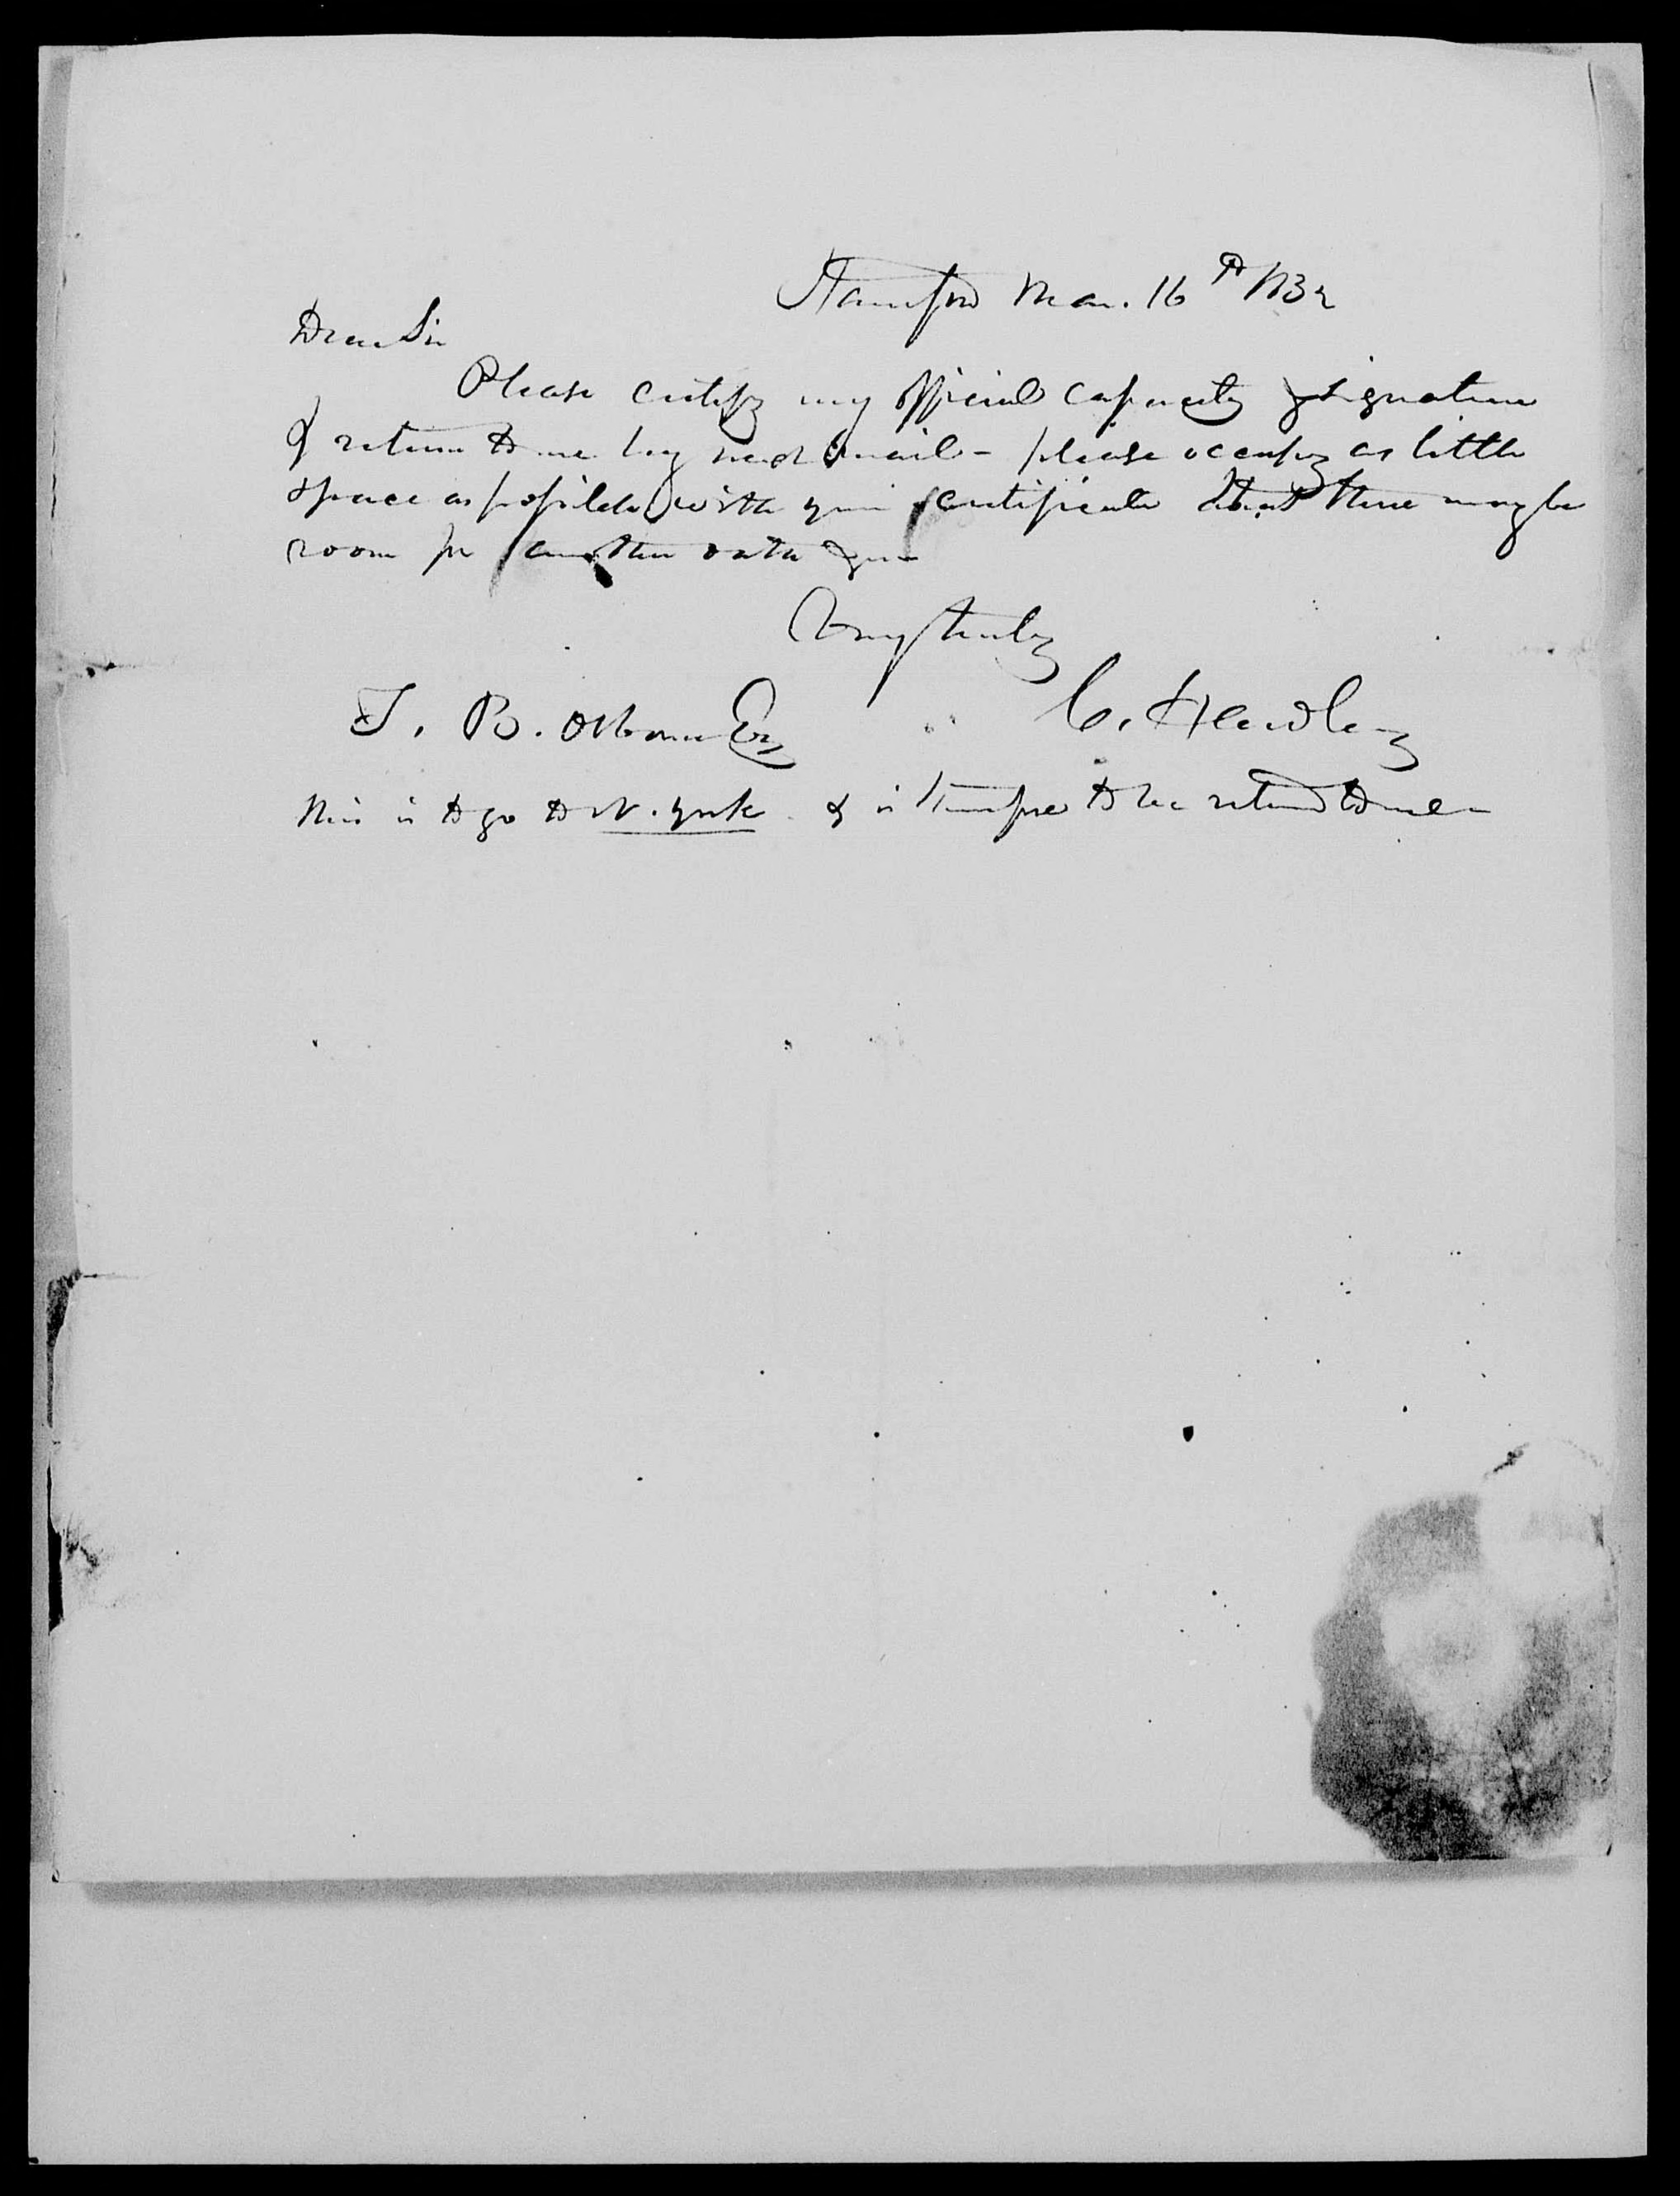Stamford Mar. 16 1832
Dear Sir
Please certify my official capacity & signature
& return to me by mail - please occupy as little
space as possible with [illegible] certificate that there may be
room for another onto [illegible]
[illegible] truly
C. Hawley
T. B. Osborne Esq
this is to go to N. York & [illegible] & be returned to me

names: C Hawley; T B Osborne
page: 23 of 24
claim: survivor's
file: S. 20,926, for Daniel Provost, Connecticut